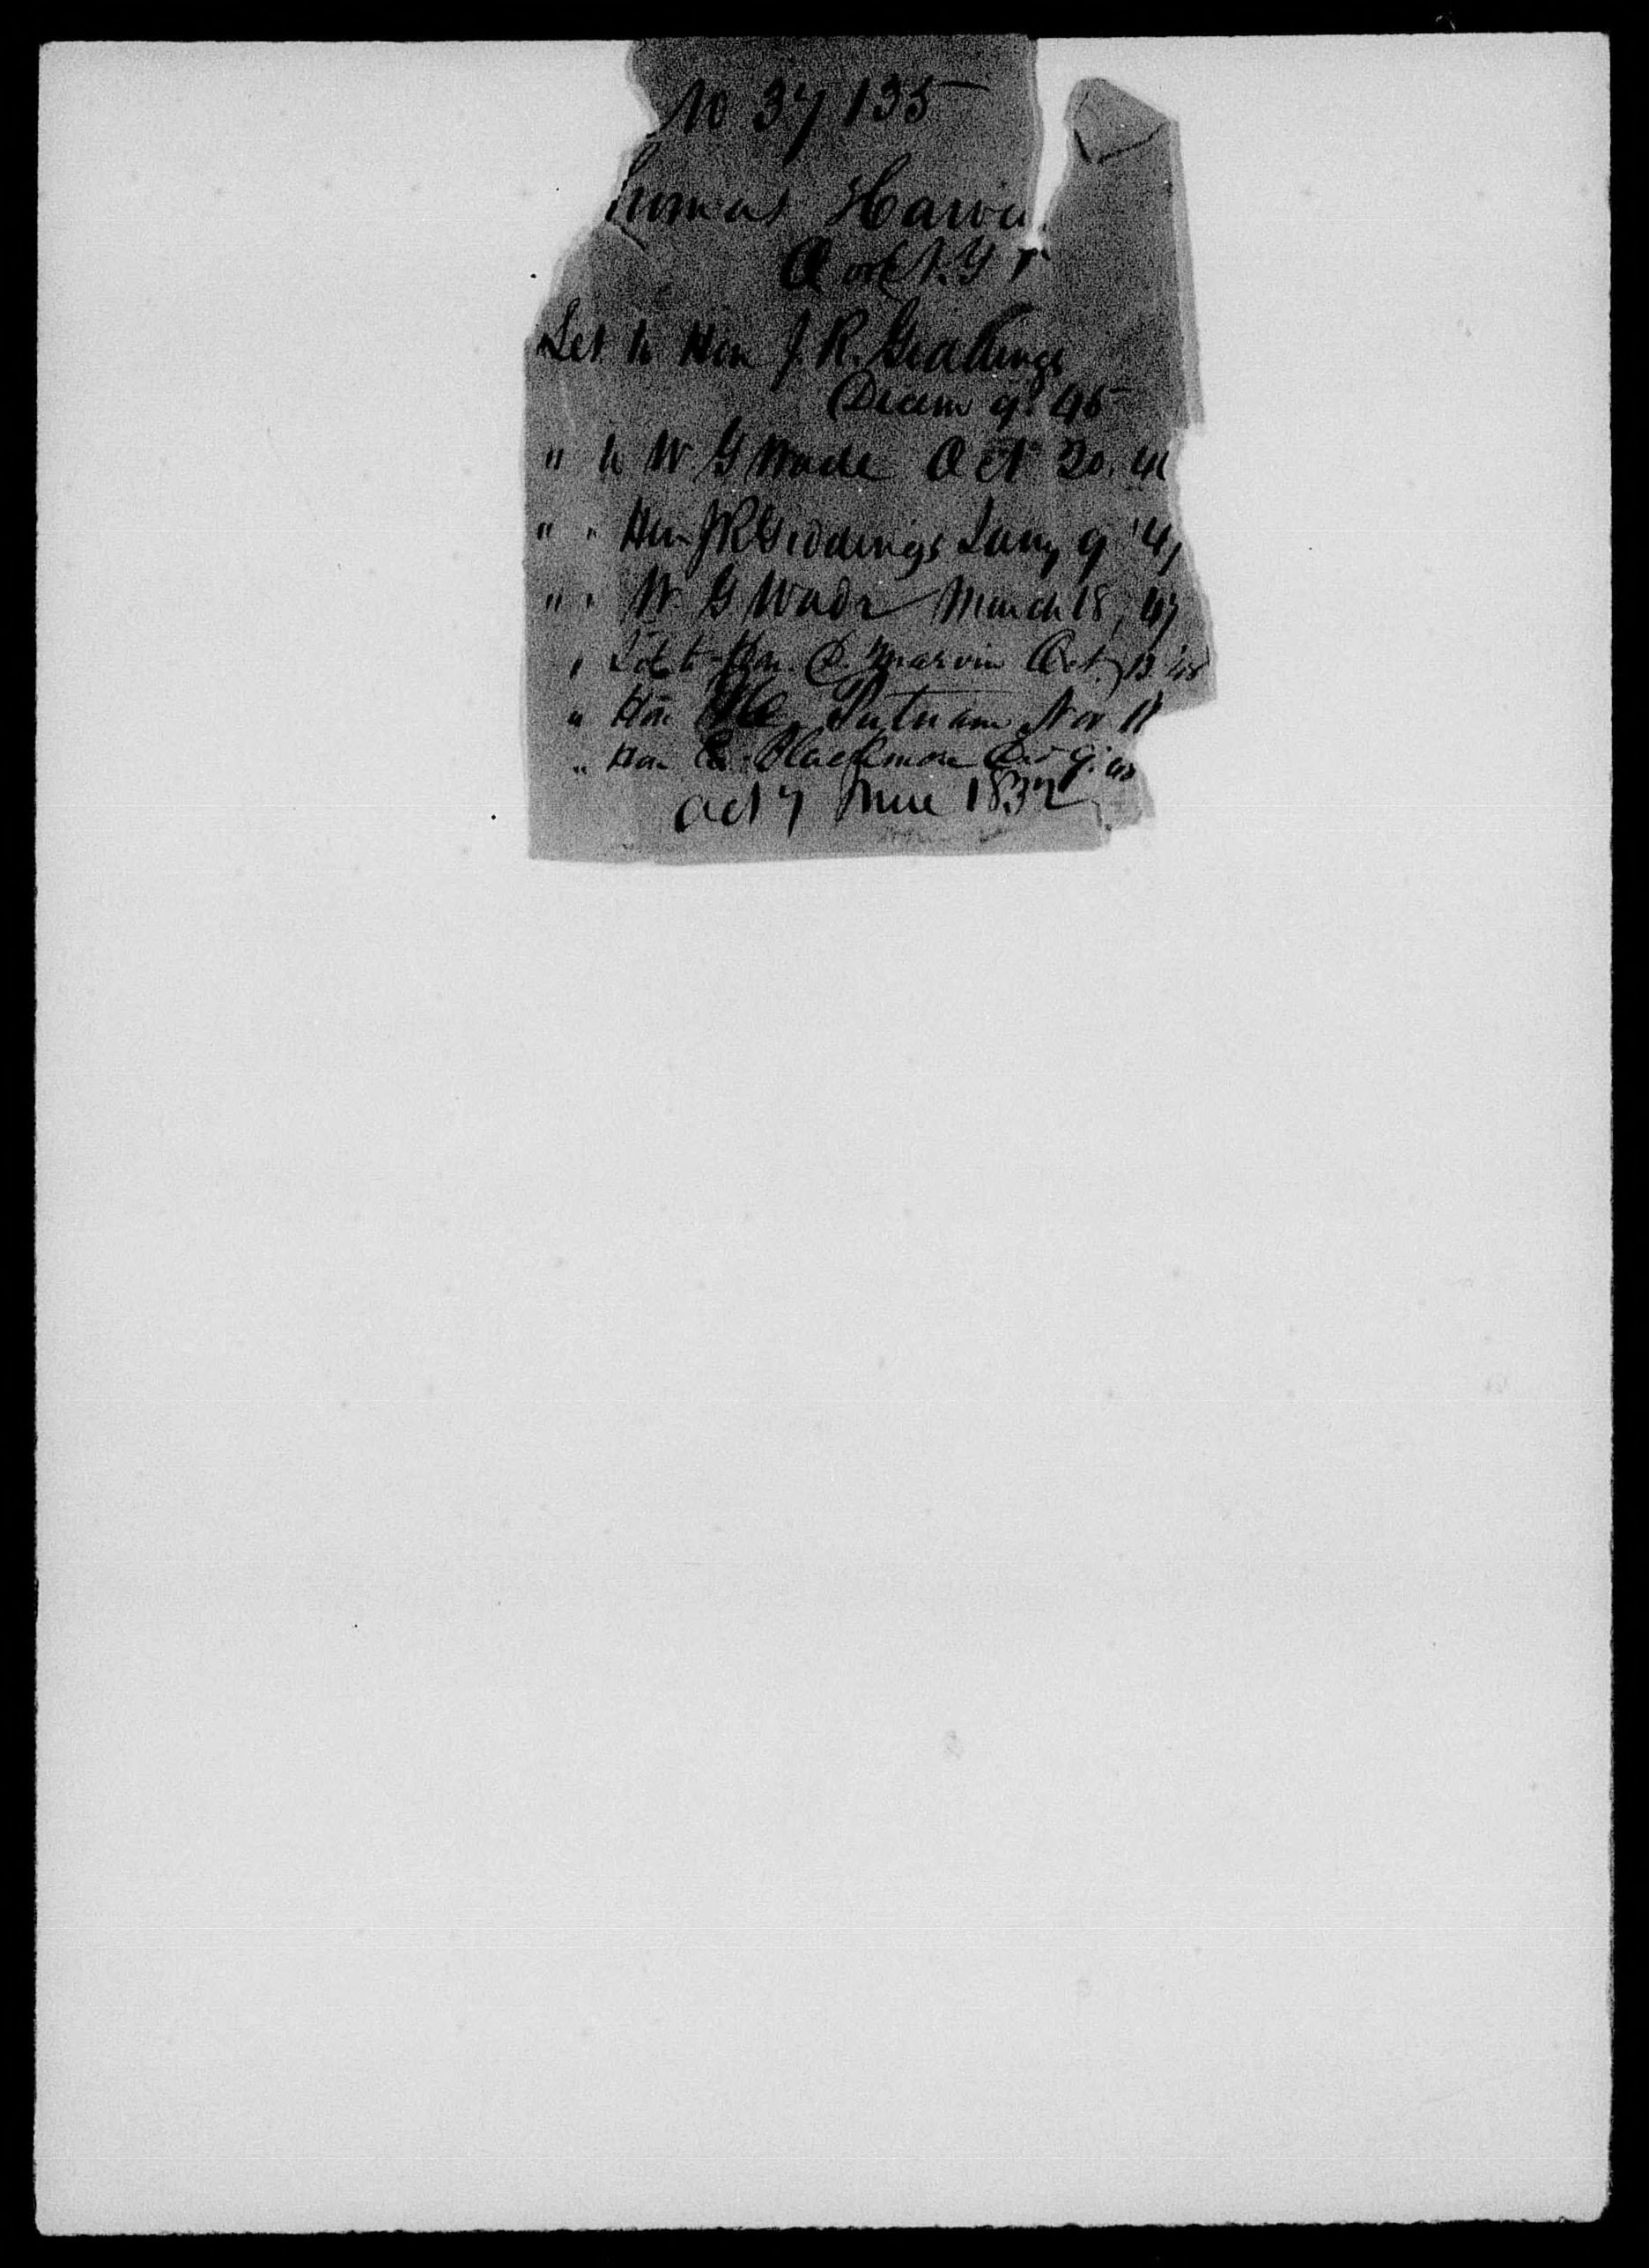No 37135
Thomas Harvey Ovid N.Y.
Let to Hon J. R. Giddings Decem 9th 46
 "  to W. G. Wade Oct'r 20 46
 "  "  Hon J. R. Giddings Jany 9 '47
 "  "  W. G. Wade March 18, '47
 "  "  let to Hon. D. Marvin Oct. 13 '48
 "  "  Hon. H. Putnam Nov 11
 "  "  Hon. E. Blackmore Dec'r 9 '48
Act 7 June 1832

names: E Blackmore, D Marvin, Thomas Harvey, J R Giddings, J R Giddings, H Putnam, W G Wade, W G Wade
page: 9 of 80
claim: survivor's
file: S. 18008, Thomas Harvey, N.H.